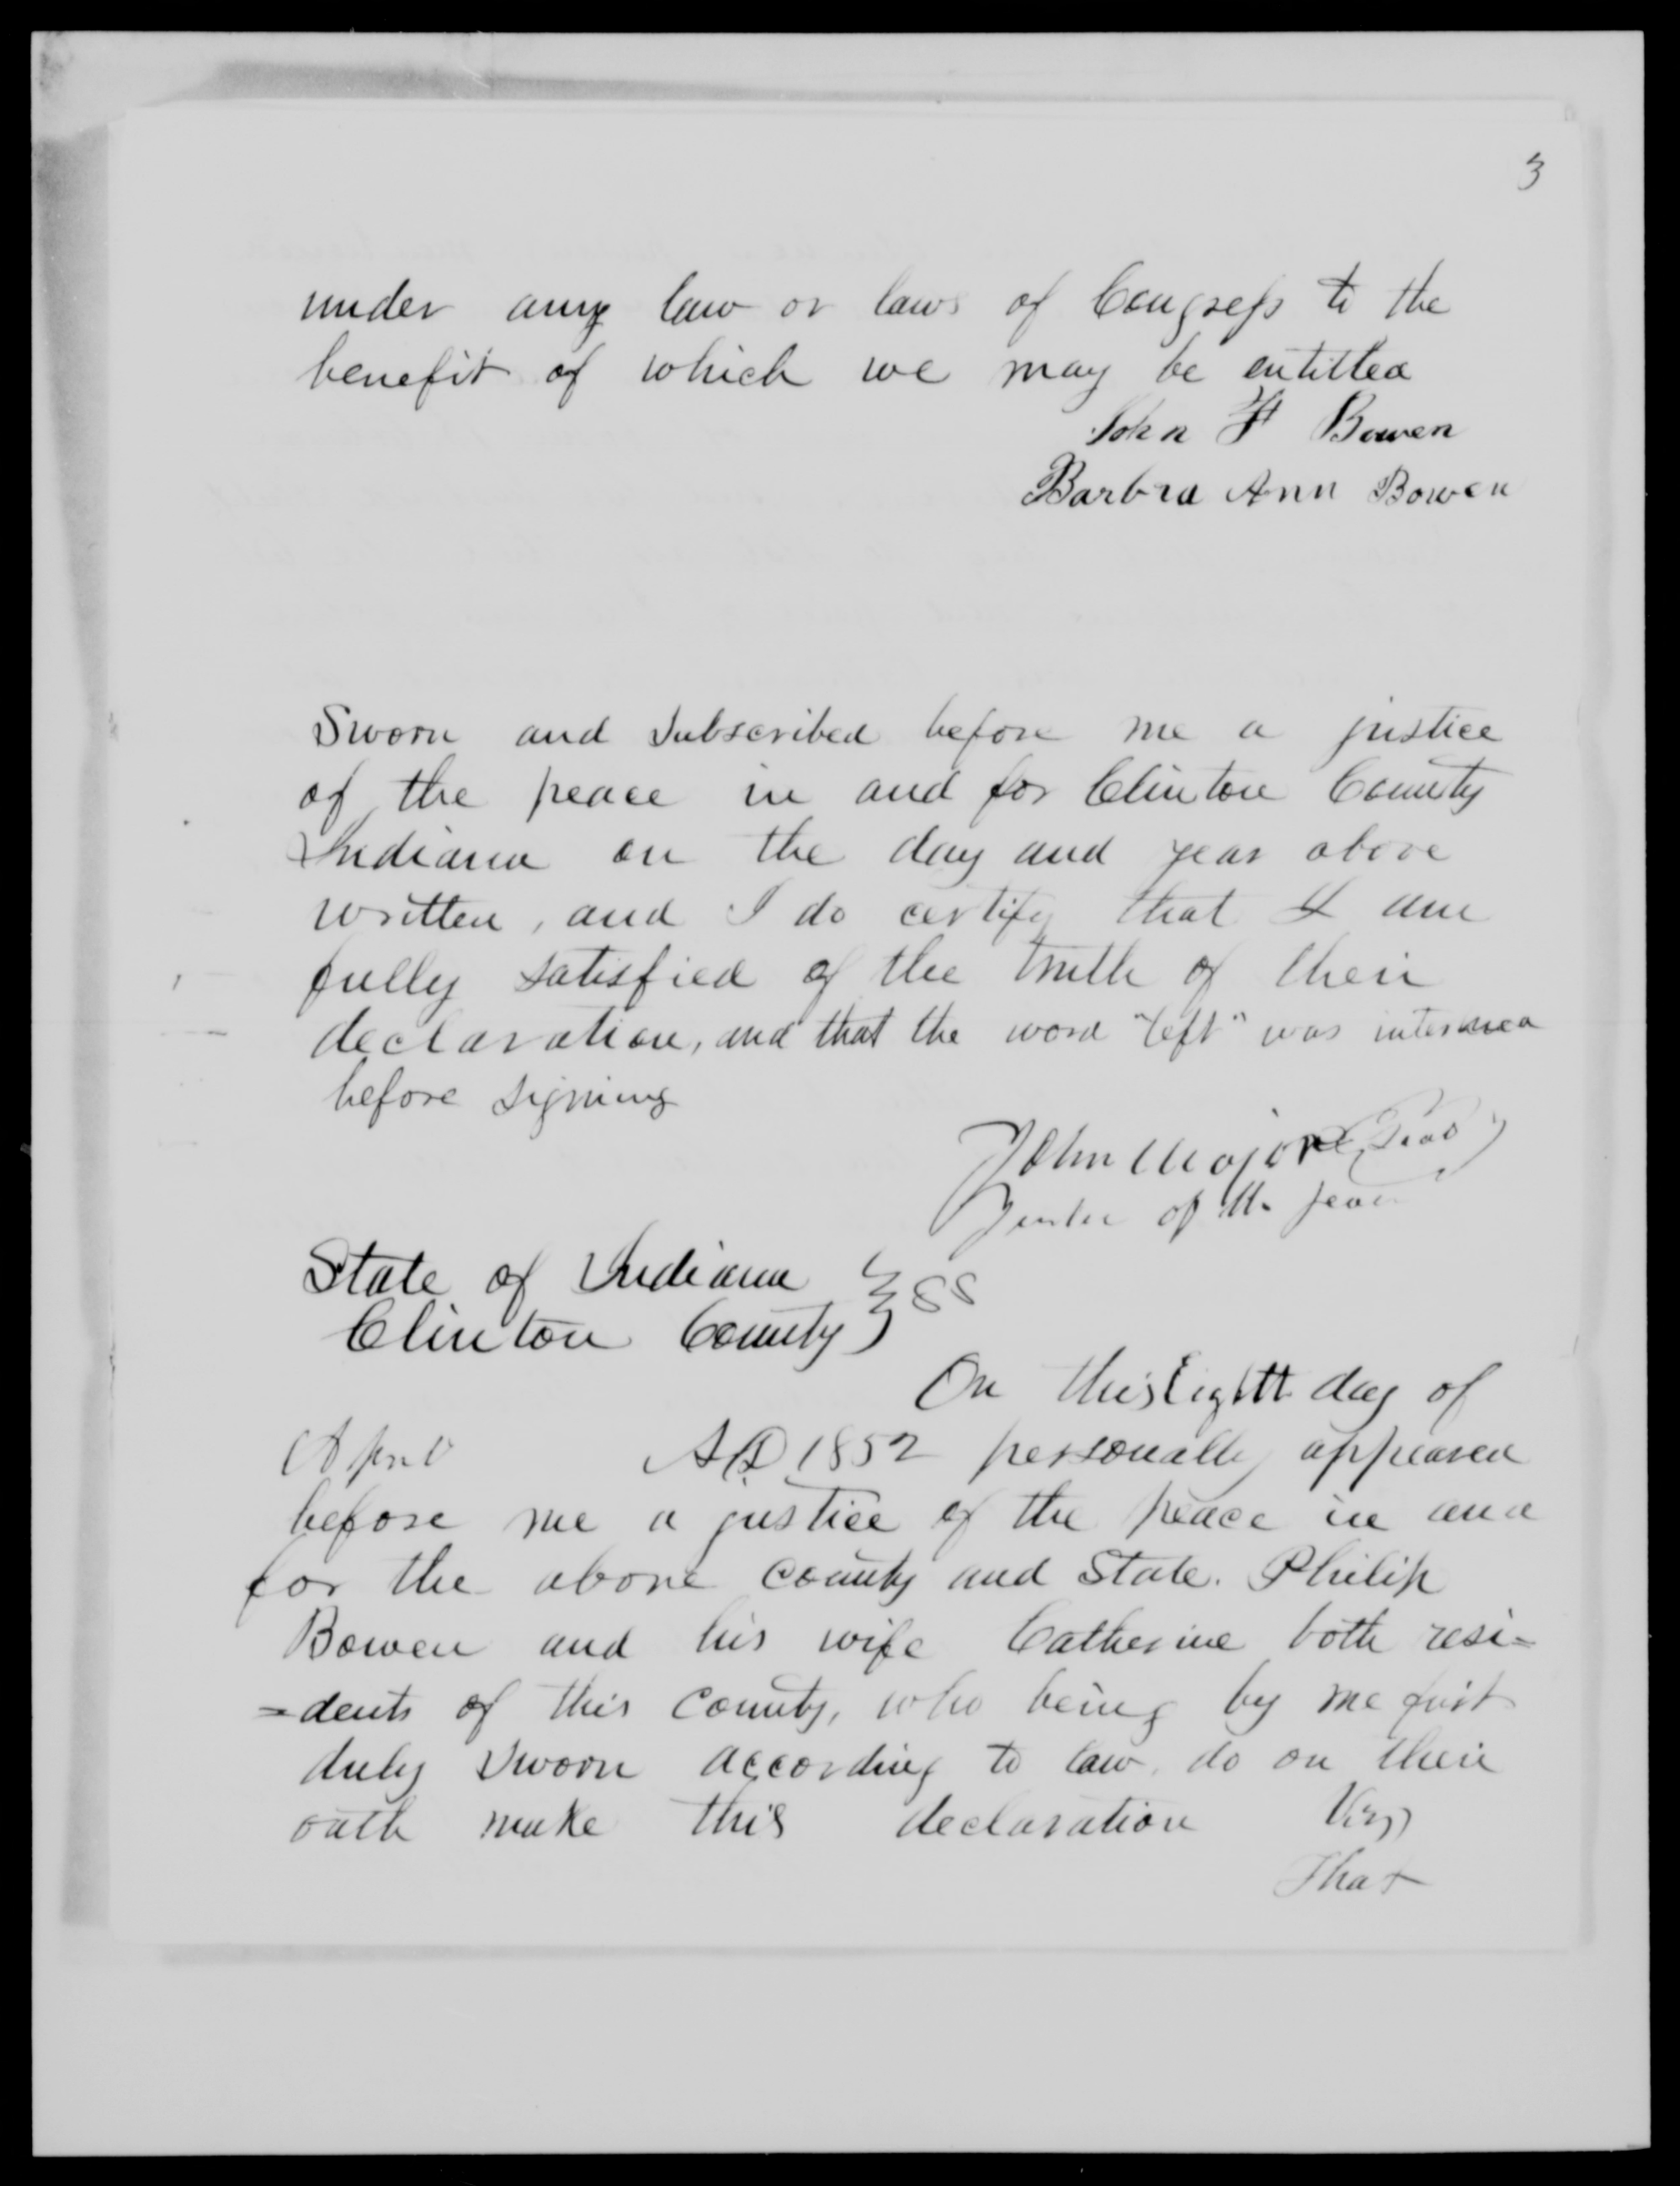3
under any law or laws of Congress to the
benefit of which we may be entitled
John F Bowen
Barbra Ann Bowen

Sworn and Subscribed before me a justice
of the peace in and for Clinton County
Indiana on the day and year above
written, and I do certify that I am
fully satisfied of the truth of their
declaration, and that the word “left” was 
interlined before signing
John Major {seal}
Justice of the Peace

State of Indiana Clinton County ss
On this Eighth day of April
AD 1852 personally appeared
before me a justice of the peace in and
or the above County and State. Philip
Bowen and his wife Catherine both residents
of this County, who being by me first
duly sworn according to law, do on their
oath make this declaration
(Viz)
That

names: John F Bowen, Philip Bowen, Catherine, Barbra Ann Bowen, John Major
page: 118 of 123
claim: rejected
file: R. 11,949, Matthias Young, Md.